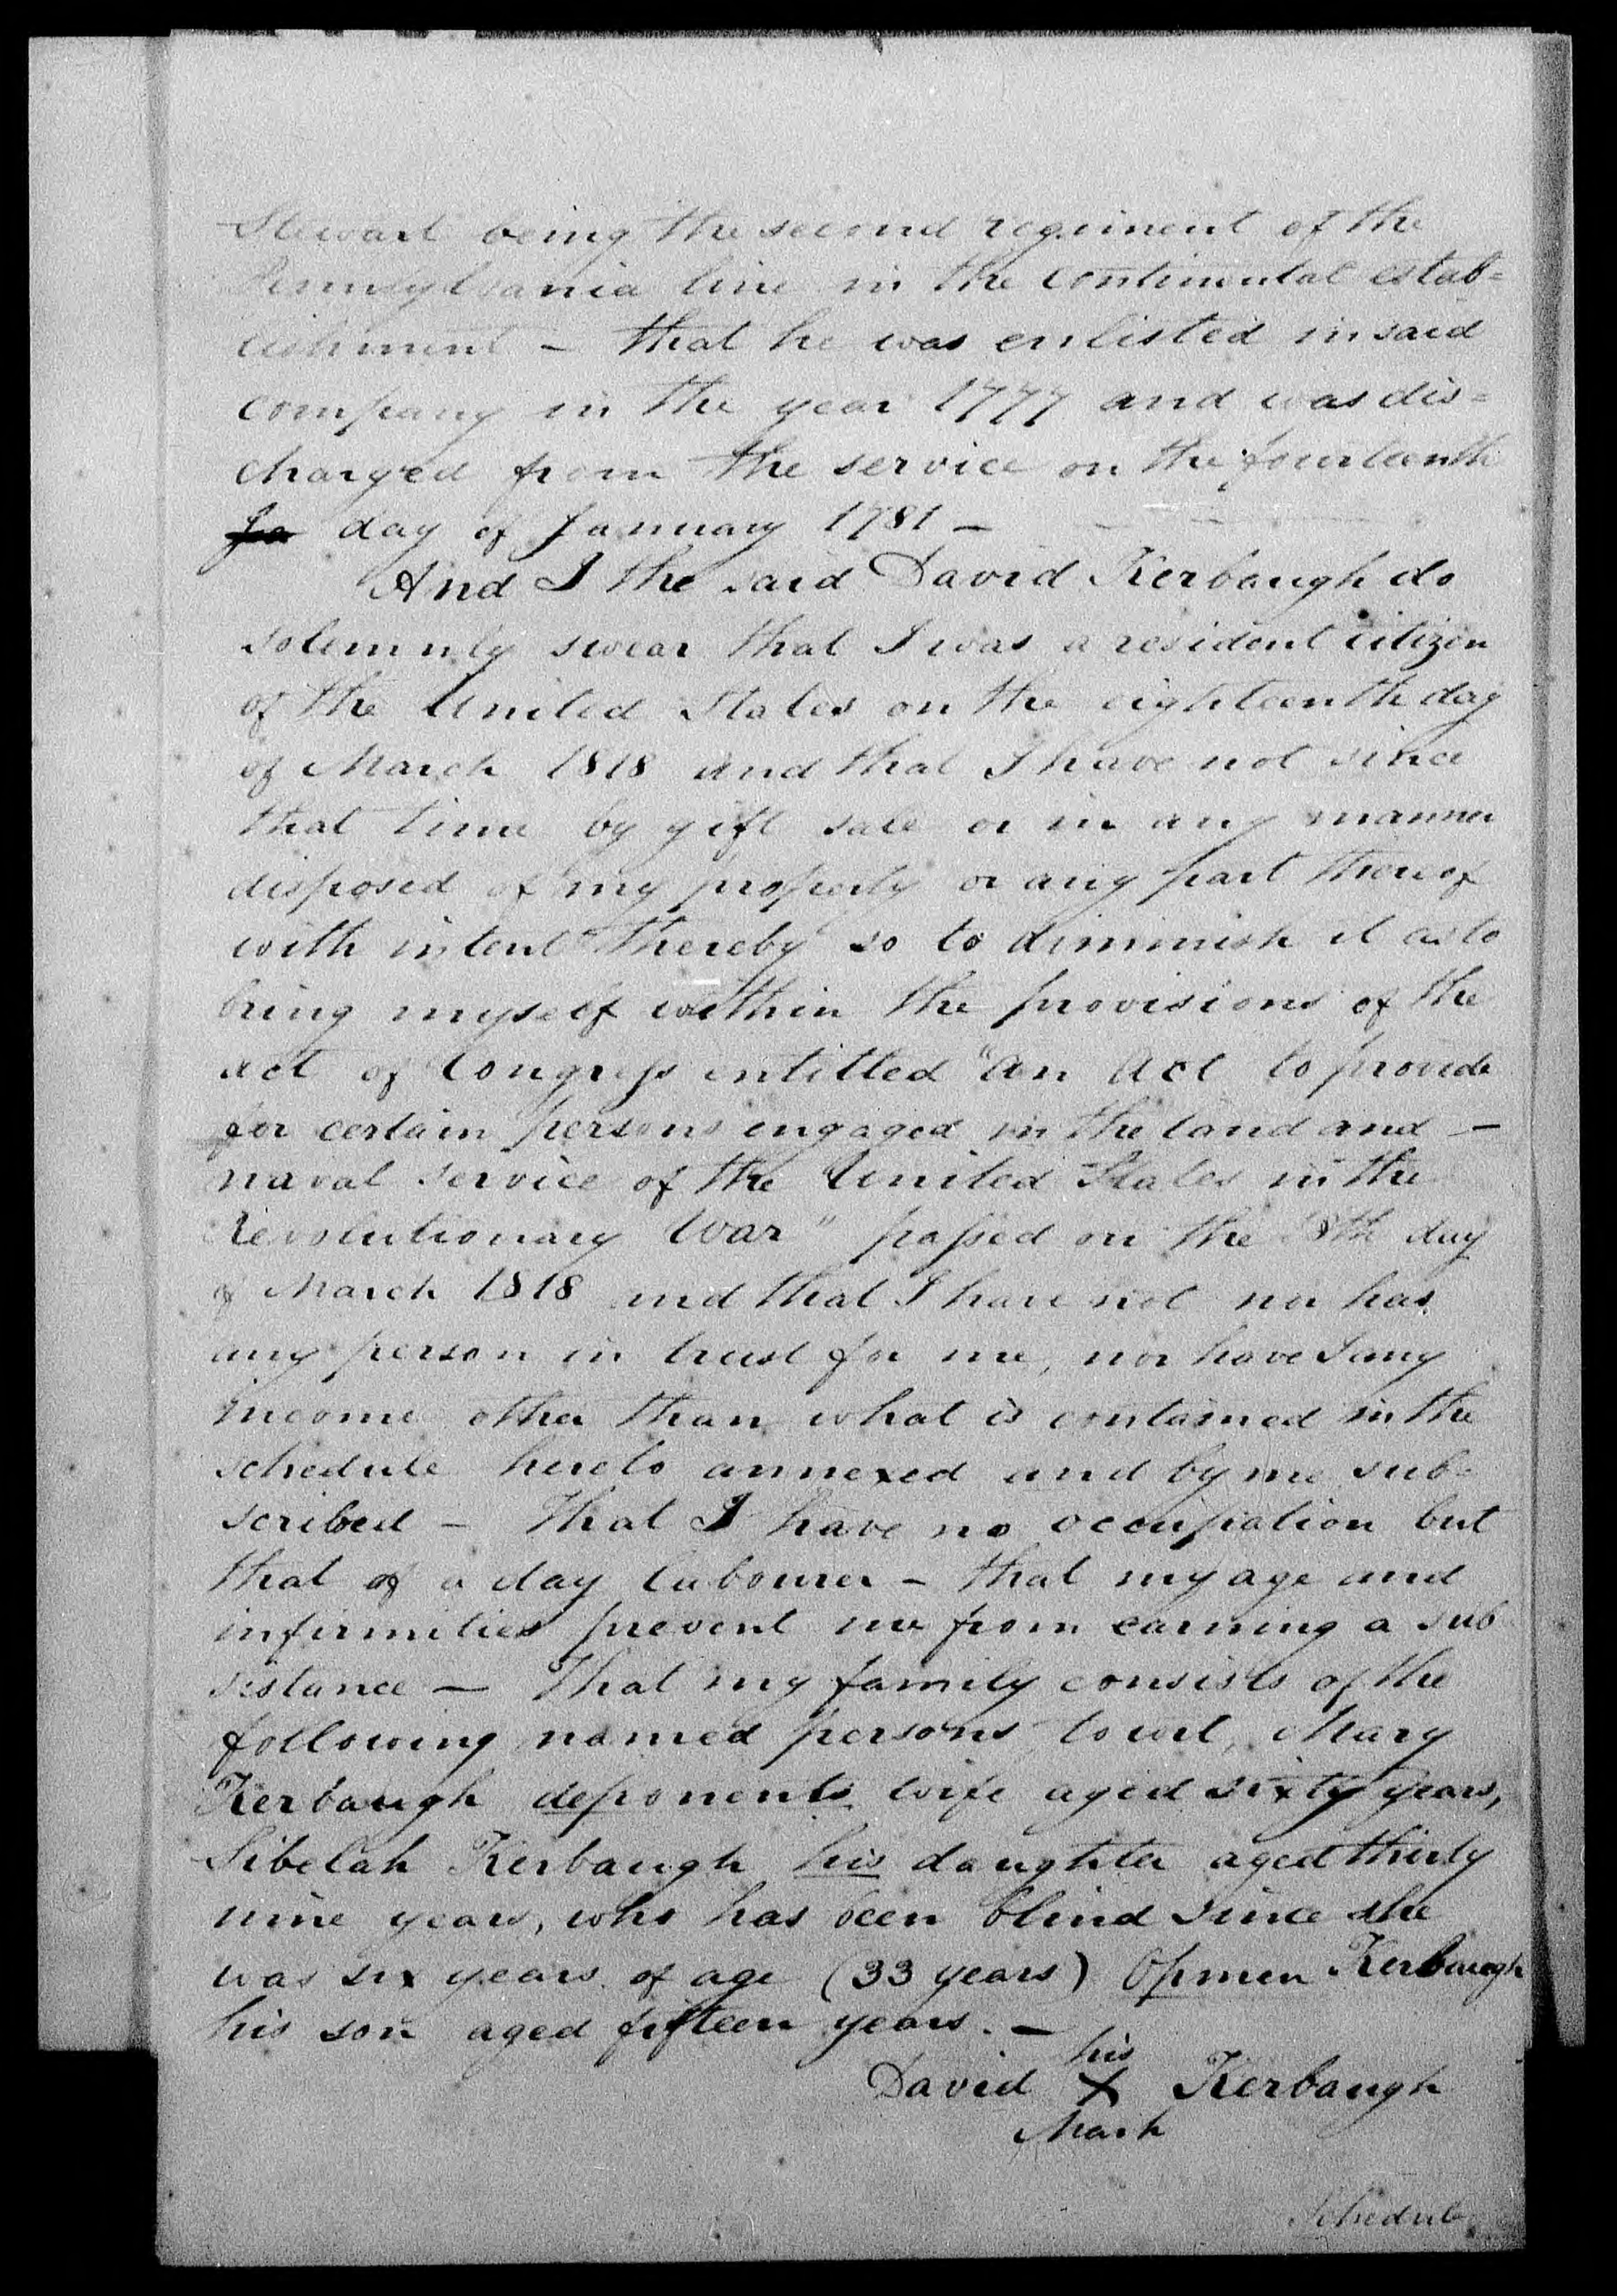Stuart being the second regiment of the Pennsylvania line in the continental establishment - that he was enlisted in said company in the year 1777 and was discharged from the service in the fourteenth day of January 1781.

    And I the said David Kerbaugh do solemnly swear that I was a resident citizen of the United States on the eighteenth day of March 1818 and that I have not since that time by gift, sale or in any manner disposed of my property or any part thereof with intent thereby so to diminish ot as to bring myself within the provisions of the act of Congress entitled "An act to provide for certain persons engaged in the land and naval service of the United States in the Revolutionary War" passed on the 18th day of March 1818 and that I have not, nor has any person in trust for me, nor have I any income other than what is contained in the schedule hereto annexed and by me subscribed - that I have no occupation but that of a day laborer - that my age and infirmities prevent me from earning a subsistence - that my family consists of the following named persons to with; Mary Kerbaugh deponents wife aged sixty years, Sibelah Kerbaugh  his daughter aged thirty-nine years, who has been blind since she was six years of age (33 years) Opmen Kerbaugh his son, aged fifteen years.  

                           David (his mark) Kerbaugh

Schedule (next page)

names: Sibelah Kerbaugh; David Kerbaugh; Opmen Kerbaugh; Mary Kerbaugh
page: 8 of 13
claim: survivor's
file: S. 39,800, for David Kerbaugh, Pennsylvania